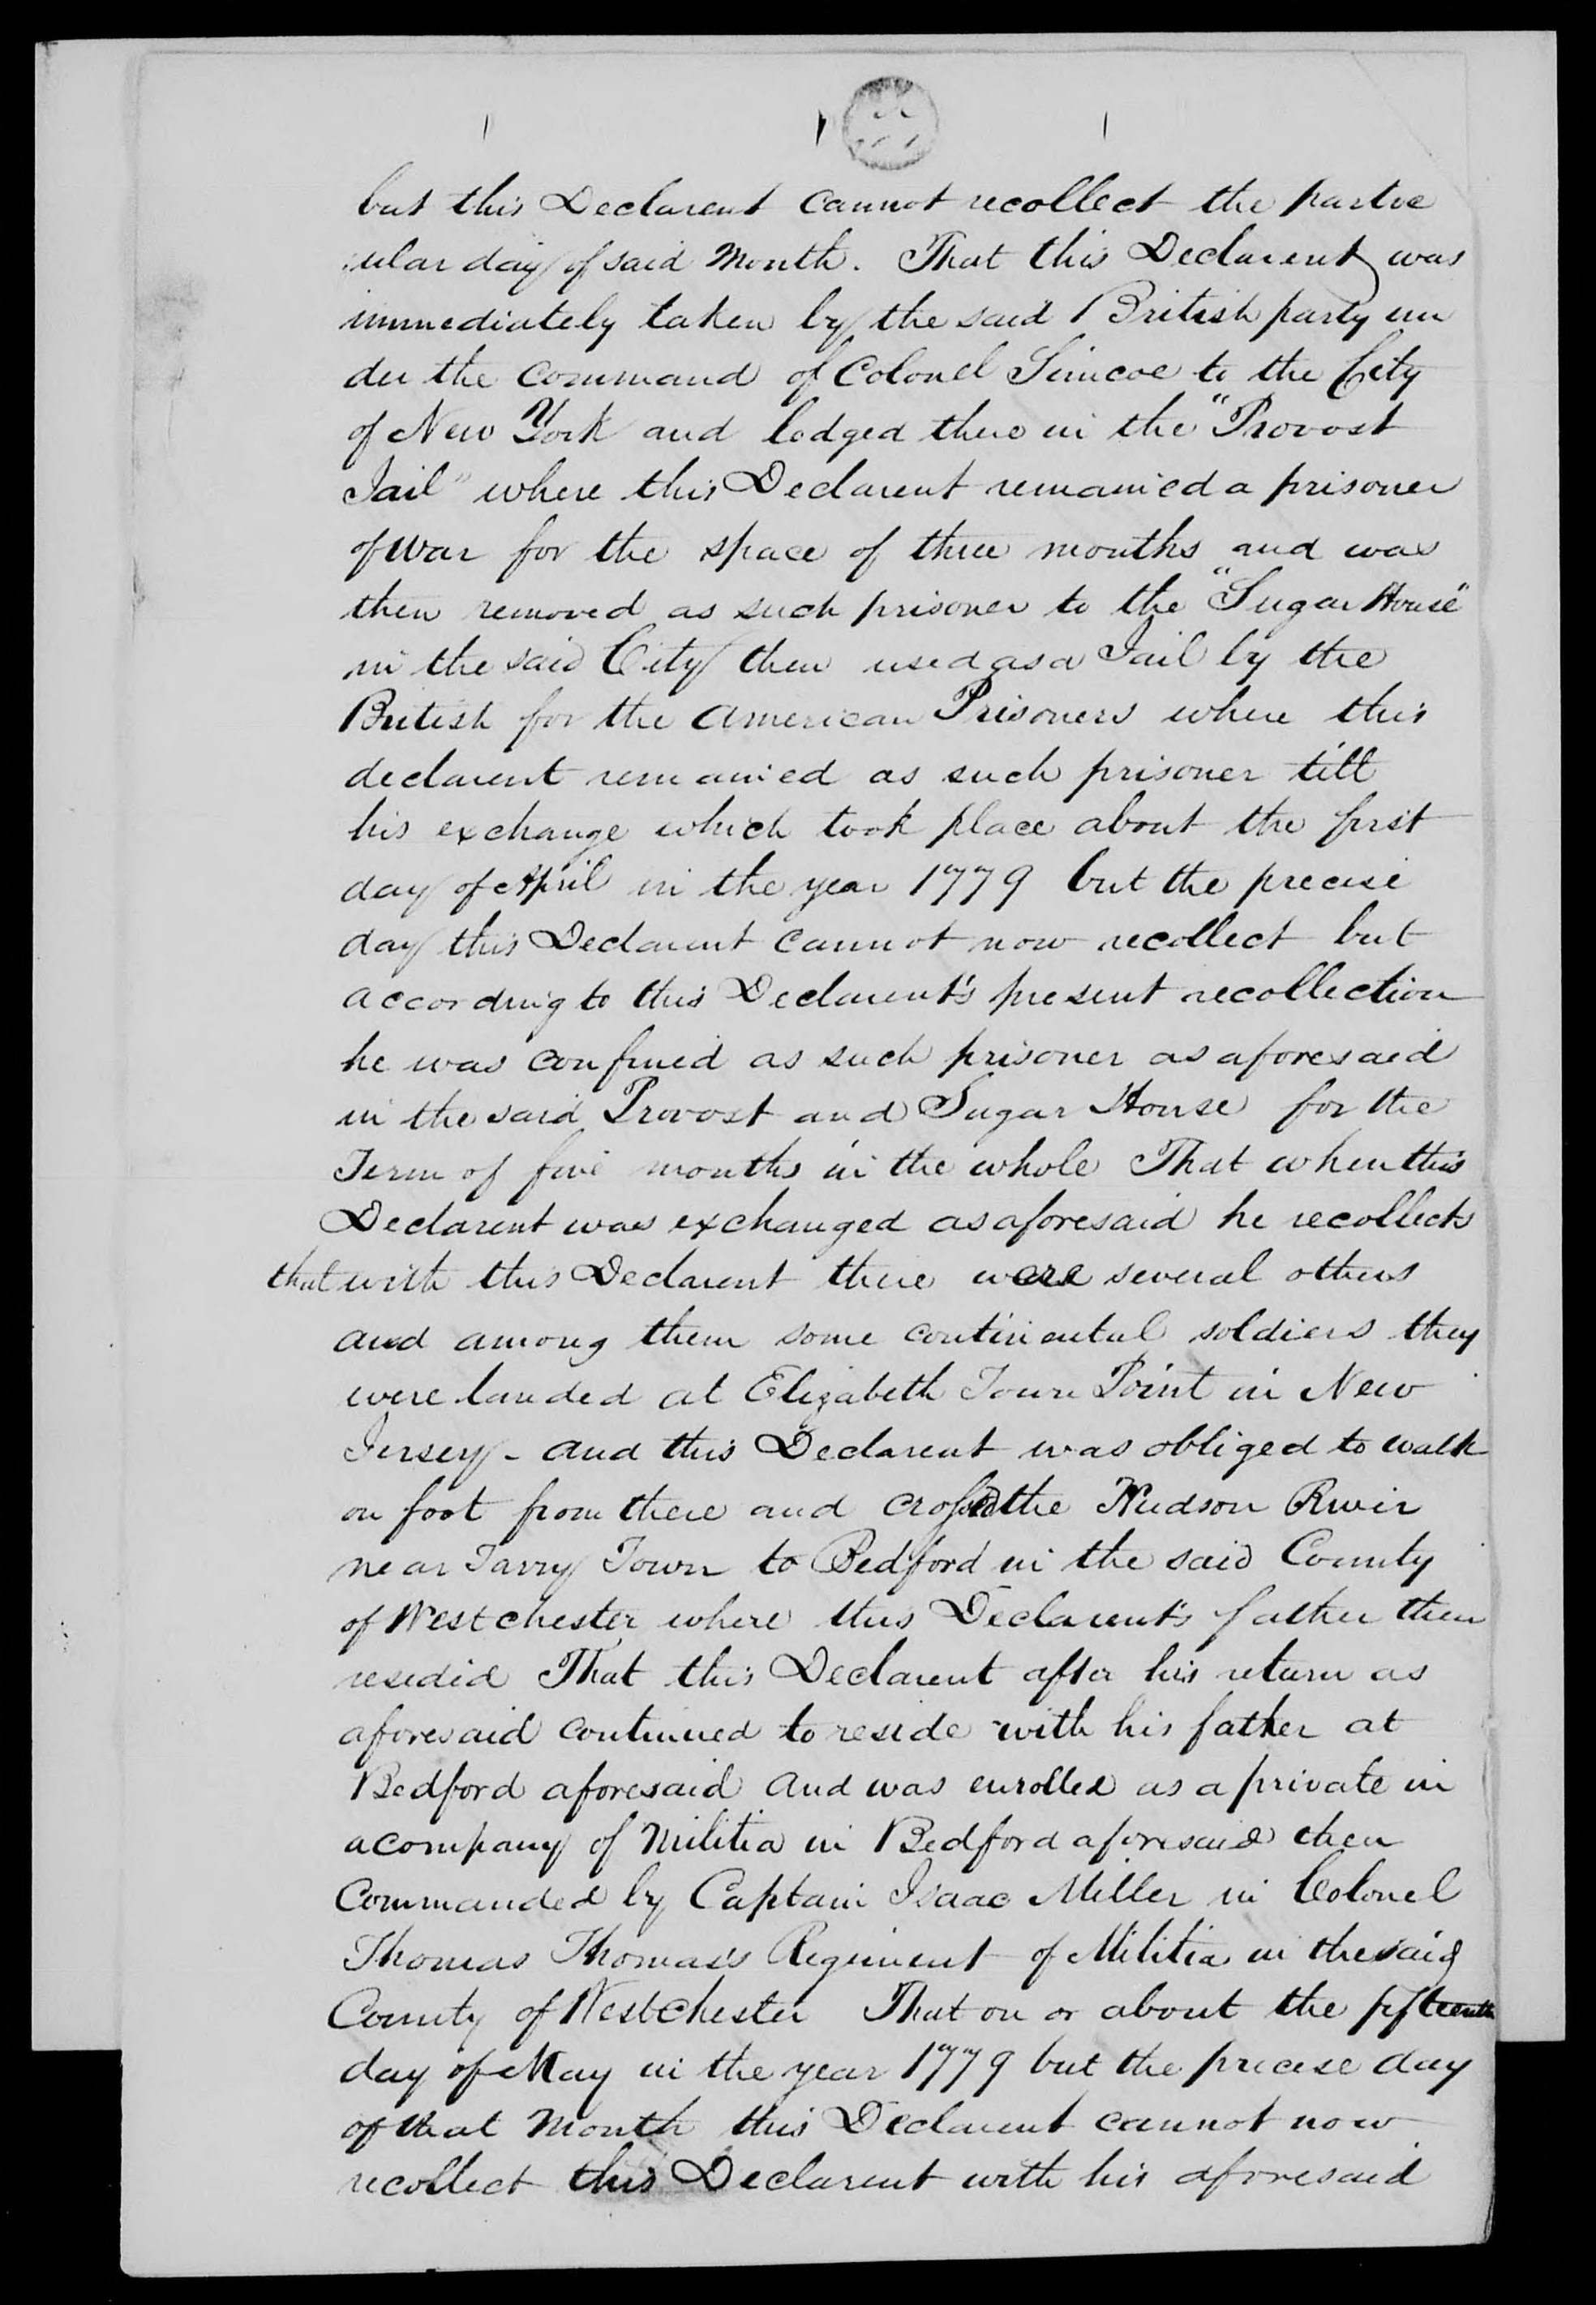but this Declarent cannot recollect the particular day of said Month. That this Declarent was immediately taken by the said British party under the command of Colonel Simcoe to the City of New York and lodged there in the "Provost Jail" where this Declarent remained a prisoner of War for the space of three months and was then removed as such prisoner to the "Sugar House" in the said City then used as a Jail by the British for the American Prisoners where this declarent remained as such prisoner till his exchange which took place about the first day of April in the year 1779 but the precise day this Declarant cannot now recollect but according to this Declarent's present recollection he was confined as such prisoner as aforesaid in the said Provost and Sugar House for the Term of five months in the whole That when this Declarent was exchanged as aforesaid he recollects that with this Declarent there were several others and among them some continental soldiers they were landed at Elizabeth Town Point in New Jersey, And this Declarent was obliged to walk on foot from there and crossed the Hudson River near Tarry Town to Bedford in the said County of Westchester where this Declarent's father then resided That this Declarent after his return as aforesaid continued to reside with his father at Bedford aforesaid And was enrolled as a private in a company of Militia in Bedford aforesaid then Commanded by Captain Isaac Miller in Colonel Thomas Thomas's Regiment of Militia in the said County of Westchester That on or about the fifteenth day of May in the year 1779 but the precise day of that Month this Declarent cannot now recollect this Declarent with his aforesaid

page: 6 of 33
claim: rejected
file: R. 7,063, for Elisha B Maynard, New York